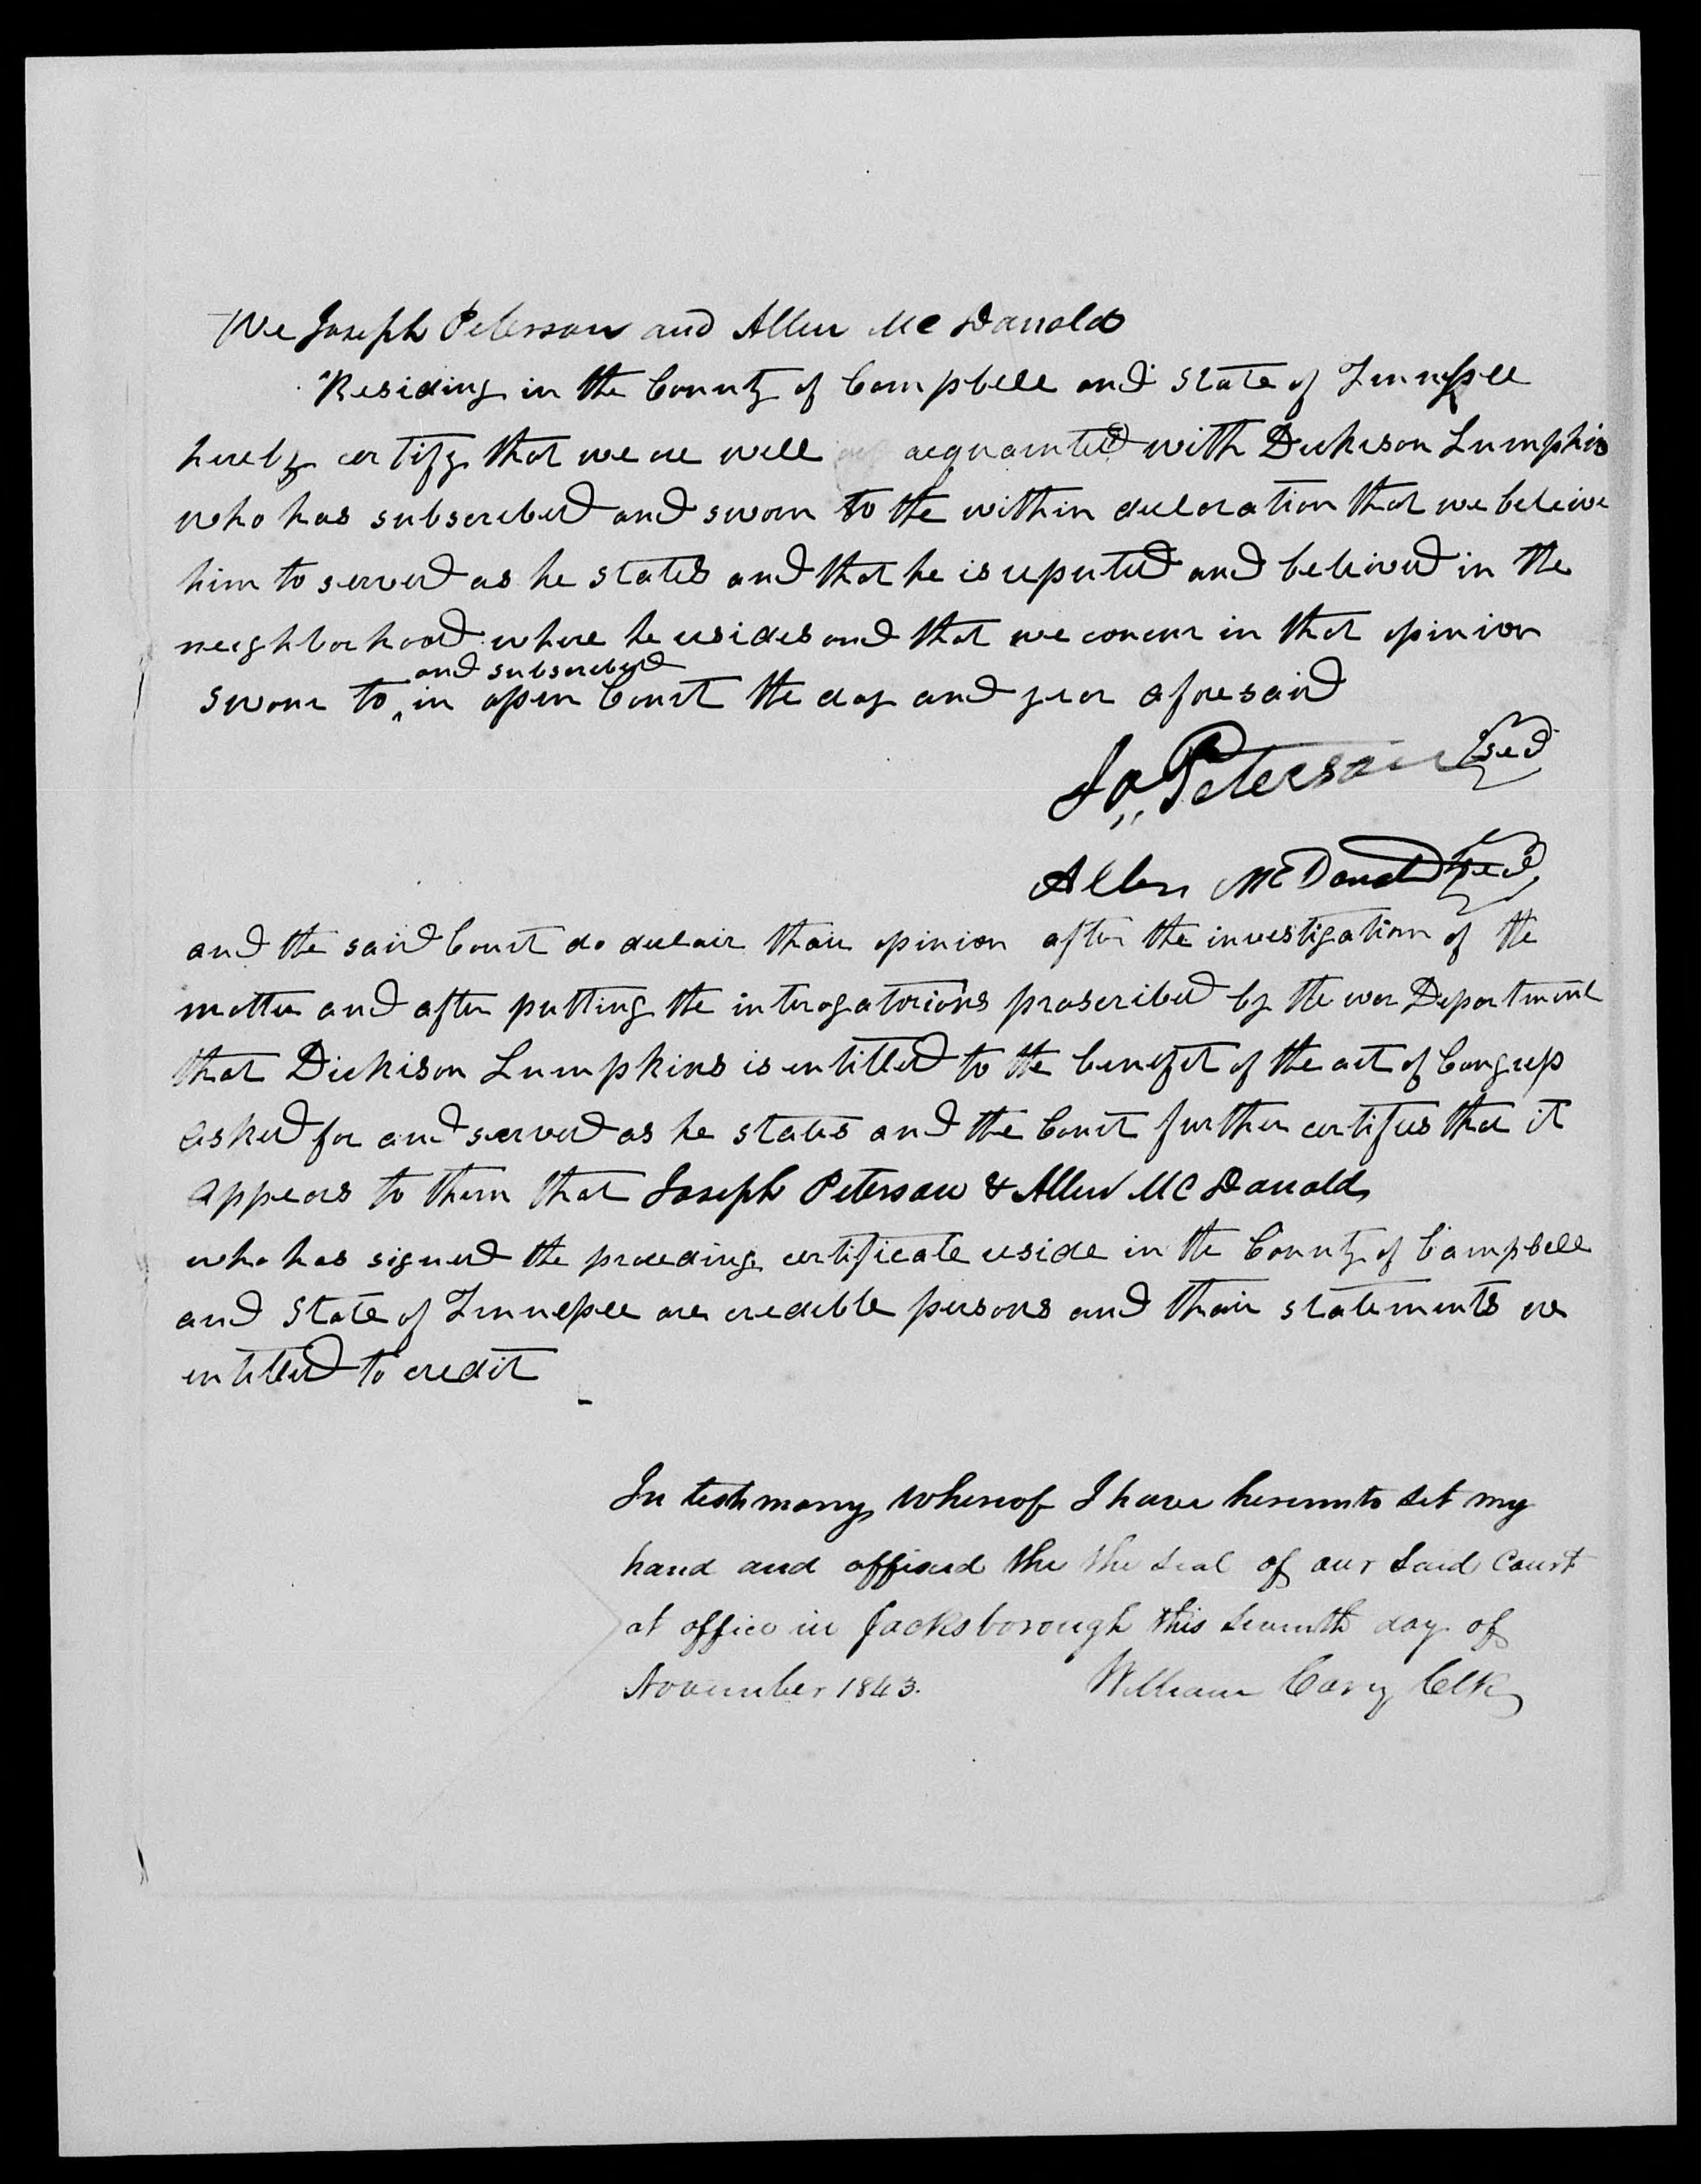(Handwritten document)

We Joseph Peterson and Allen McDonald
residing in the County of Campbell and State of Tennessee hereby certify that we are well acquainted with Dickson Lumpkins who has subscribed and sworn to the within declaration that we believe him to served as he states and that he is reputed and believed in the
neighborhood where he resides and that we concur in that opinion

Sworn to (inserted: and subscribed) in open Court the day and year aforesaid

Jo Peterson (the word seal is circled)
Allen McDonald (the word seal is circled)

and the said Court do declair their opinion after the investigation of the matter and after putting the interrogatories proscribed by the war Department that Dickison Lumpkins is entitled to the benefit of the act of Congress
asked for and served as he states and the Court further certifies that it appears to them that Joseph Peterson & Allen McDonald
who has signed the preceding certificate reside in the County of Campbell and
State of Tennessee are credible persons and their statements are entitled to credit

In testimony whereof I have hereunto set my
hand and affixed the the seal of our said Court
at office in Jacksborough this seventh day of
November 1843.

William Carry Clk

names: William Cary; Joseph Peterson; Allen Mc Donald; Dickison Lumpkin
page: 28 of 37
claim: rejected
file: R. 6521, for Dickeson Lumpkin, Pennsylvania